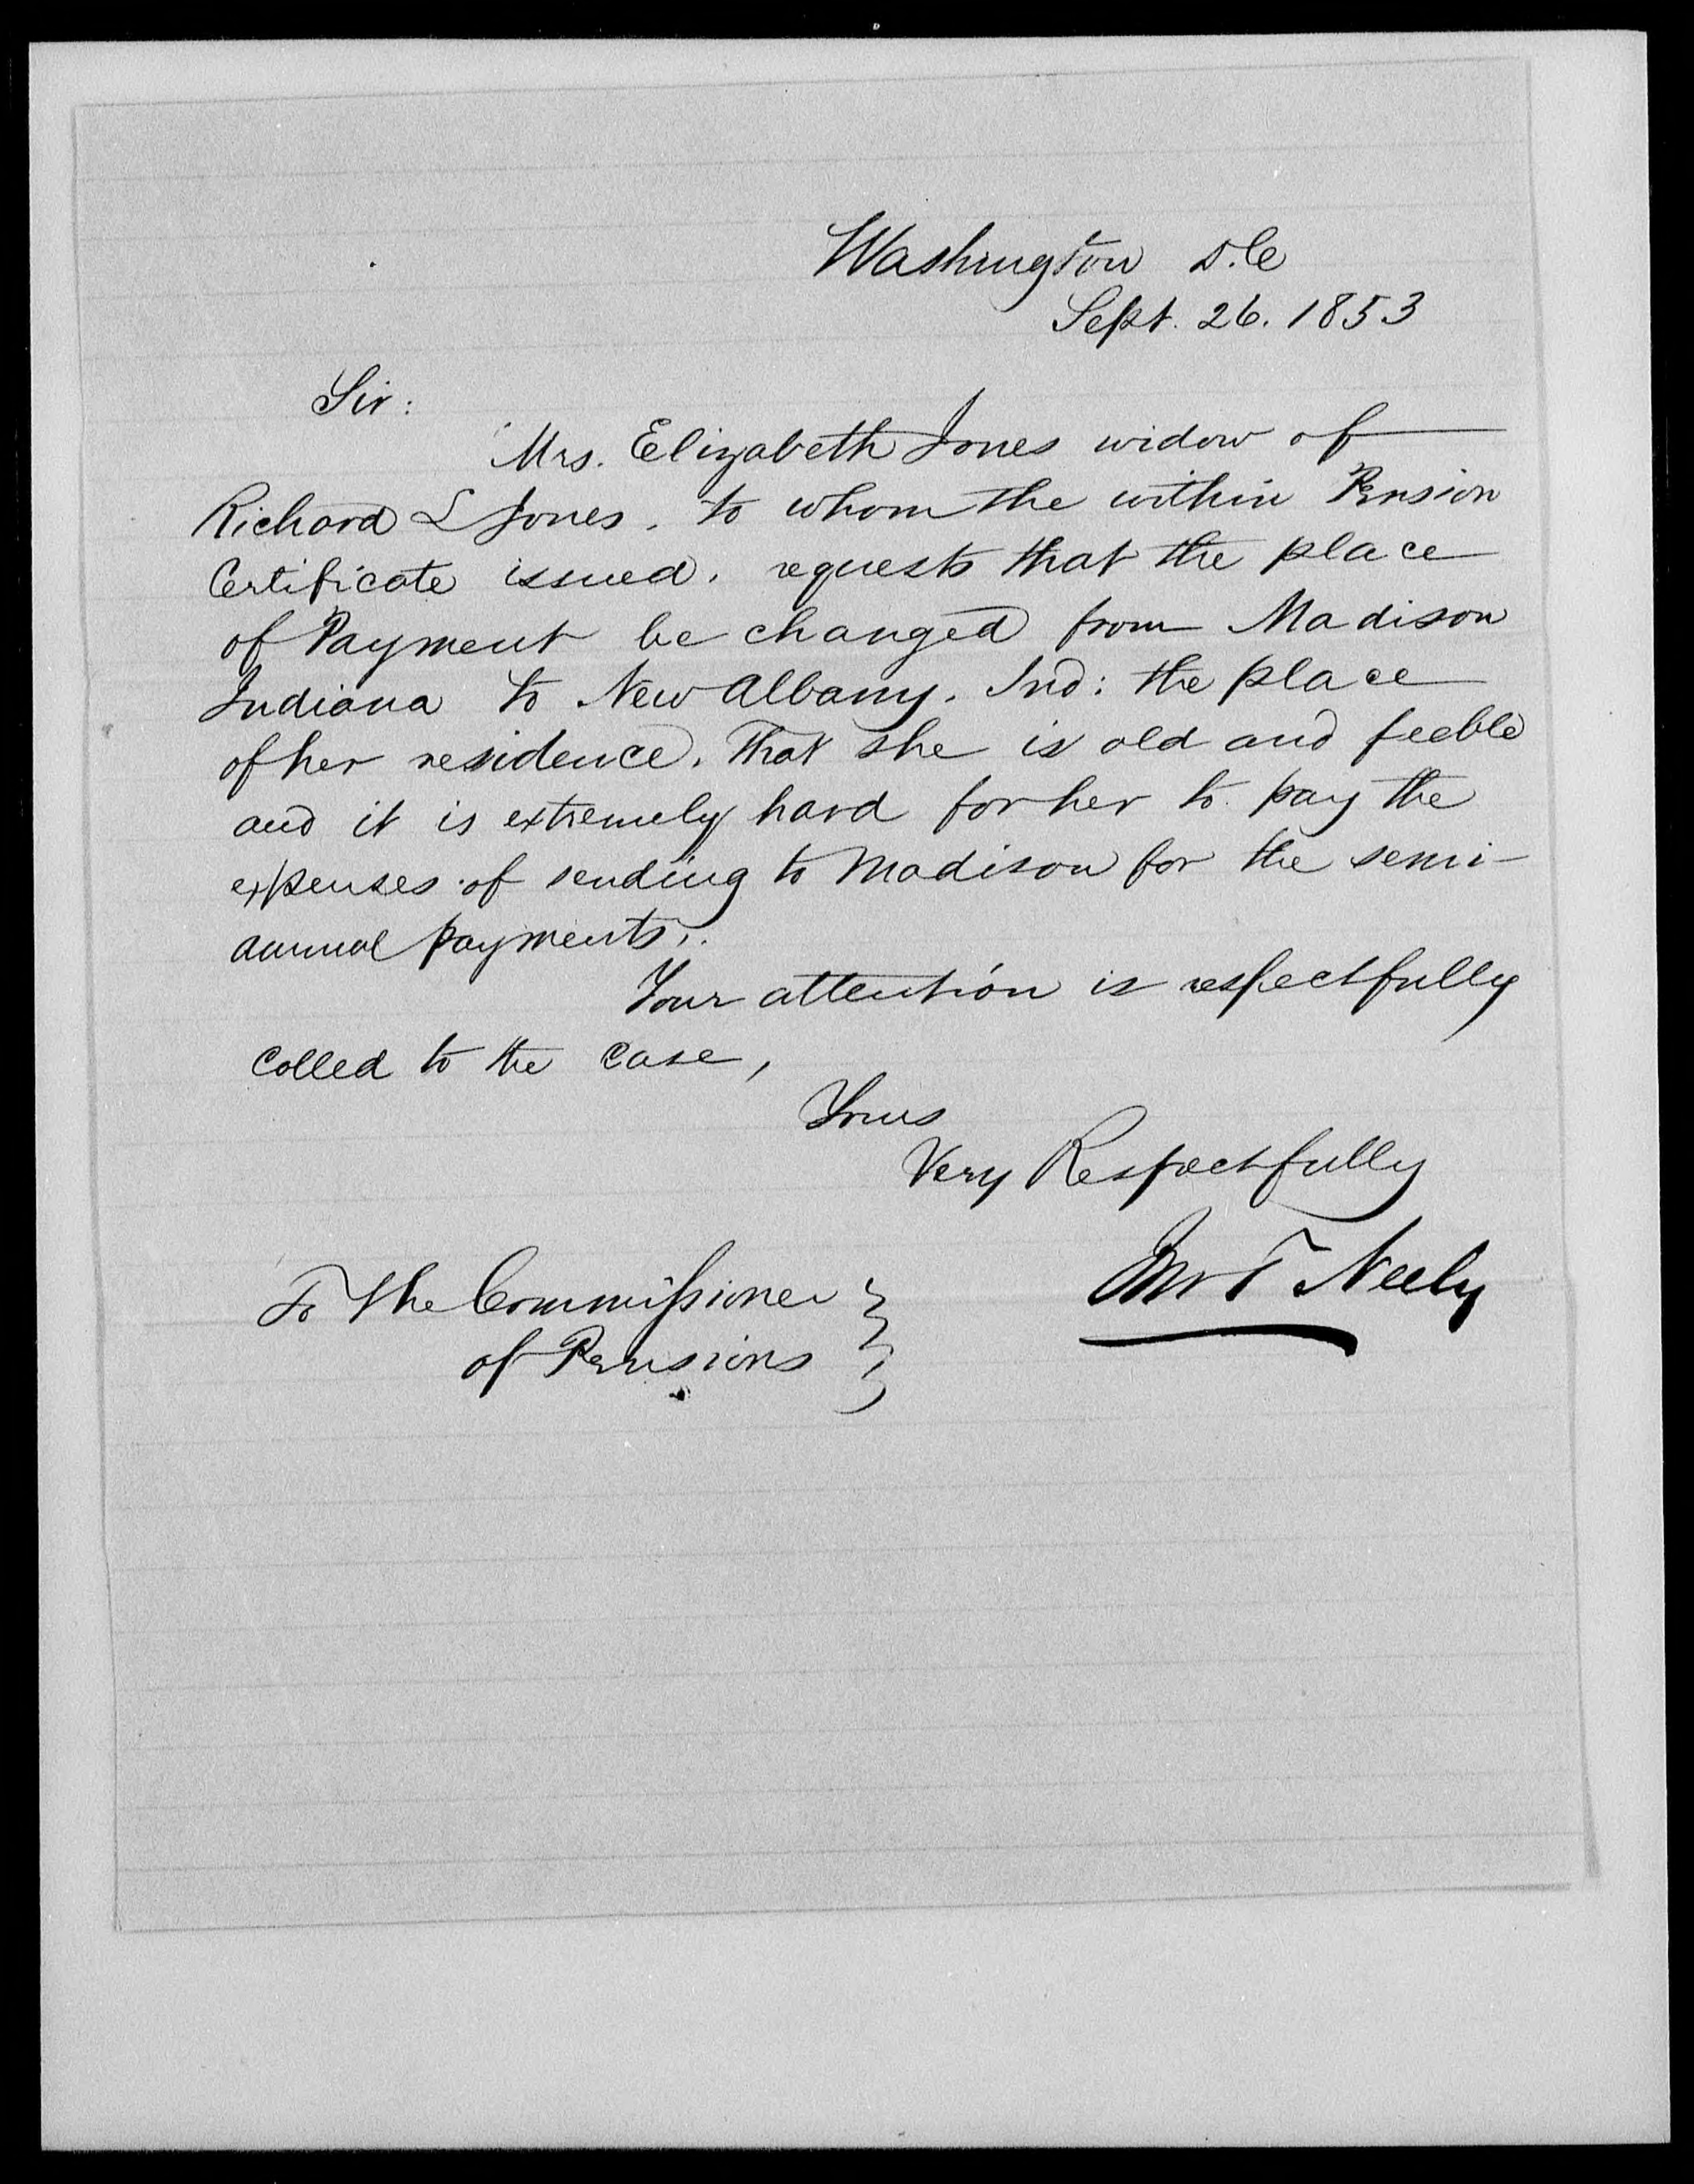Washington D.C.
Sept 26, 1853
Sir:
Mrs. Elizabeth Jones widow of
Richard Jones to whom the within Pension
Certificate issued, requests that the place
of payment be changed from Madison
Indiana to New Albany, And: the place of
her residence, that she is old and feeble
and it is extremely hard for her to pay the
expenses of sending to Madison for the semi-
annual payments,
your attention is respectfully called tot the case,
yours
Very Respectfully
To the Commissioner
Jno F Neely
To the commissioner of Pensions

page: 37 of 62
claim: widow's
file: W. 765, for Richard L Jones, Connecticut